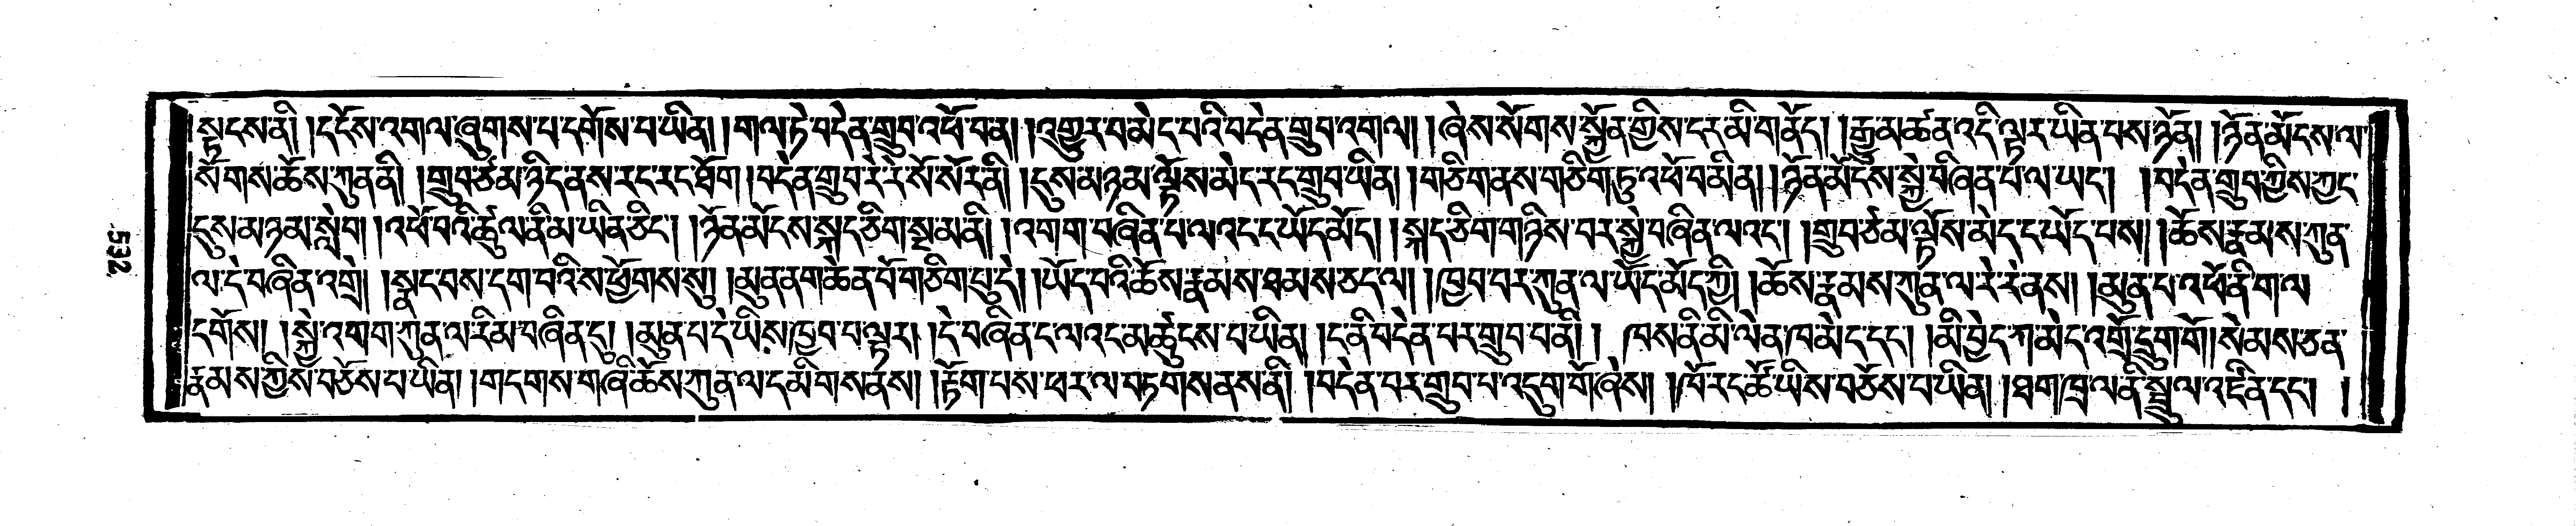སྟངས་ནི། །དངོས་འགལ་ཞུགས་པ་དགོས་པ་ཡིན། །གལ་ཏེ་བདེན་གྲུབ་འཕོ་བ་ན། །འགྱུར་བ་མེད་པའི་བདེན་གྲུབ་འགལ། །ཞེས་སོགས་སྐྱོན་གྱིས་ངར་མི་གནོད། །རྒྱུ་མཚན་འདི་ལྟར་ཡིན་པས་ཉོན། །ཉོན་མོངས་ལ་
སོགས་ཆོས་ཀུན་ནི། །གྲུབ་ཙམ་ཉིད་ནས་རང་རང་ཐོག །བདེན་གྲུབ་རེ་རེ་སོ་སོར་ནི། །དུས་མཉམ་ལྟོས་མེད་རང་གྲུབ་ཡིན། །གཅིག་ནས་གཅིག་ཏུ་འཕོ་བ་མིན། །ཉོན་མོངས་ཀྱེ་བཞིན་པ་ལ་ཡང་། །བདེན་གྲུབ་ཀྱིས་ཀྱང་
དུས་མཉམ་སླེབ། །འཕོ་བའི་ཚུལ་ནི་མ་ཡིན་ཅིང་། །ཉོན་མོངས་སྐད་ཅིག་སྔ་མ་ནི། །འགག་བཞིན་པ་ལའང་ང་ཡོད་མོད། །སྐད་ཅིག་གཉིས་པར་སྐྱེ་བཞིན་ལའང་། །གྲུབ་ཙམ་ལྟོས་མེད་ང་ཡོད་པས། །ཆོས་རྣམས་ཀུན་
ལ་དེ་བཞིན་འགྲེ། །སྣང་བས་དག་པའི་ས་ཕྱོགས་སུ། །མུན་ནག་ཆེན་པོ་གཅིག་པུ་དེ། །ཡོད་པའི་ཆོས་རྣམས་ཐམས་ཅད་ལ། །ཁྱབ་པར་ཀུན་ལ་ཡོད་མོད་ཀྱི། །ཆོས་རྣམས་ཀུན་ལ་རེ་རེ་ནས། མུན་པ་འཕོ་ནི་ག་ལ་
དགོས། །སྐྱེ་འགག་ཀུན་ལ་རིམ་བཞིན་དུ། །མུན་པ་དེ་ཡིན་ཁྱབ་པ་ལྟར། །དེ་བཞིན་ང་ལའང་མཚུངས་པ་ཡིན། །ང་ནི་བདེ་པར་གྲུབ་པ་ནི། །གས་ནི་མི་ལེན་ཁ་མེད་དང་། །མི་བྱེད་ཀ་མེད་འགྲོ་དྲུག་གོ །སེམས་ཅན་
རྣམས་ཀྱི་བཅོས་པ་ཡིན། །གདགས་གཞི་ཆོས་ཀུན་ལ་དམིགས་ནས། །རྟོག་པས་ཕར་ལ་བཏགས་ནས་ནི། །བདེན་པར་གྲུབ་པ་འདུག་གོ་ཞེས། །ཁོ་རང་ཚོ་ཡིས་བཅོས་པ་ཡིན། །ཐག་ཁྲ་ལ་ནི་སྦྲུལ་འཛིན་དང་། །